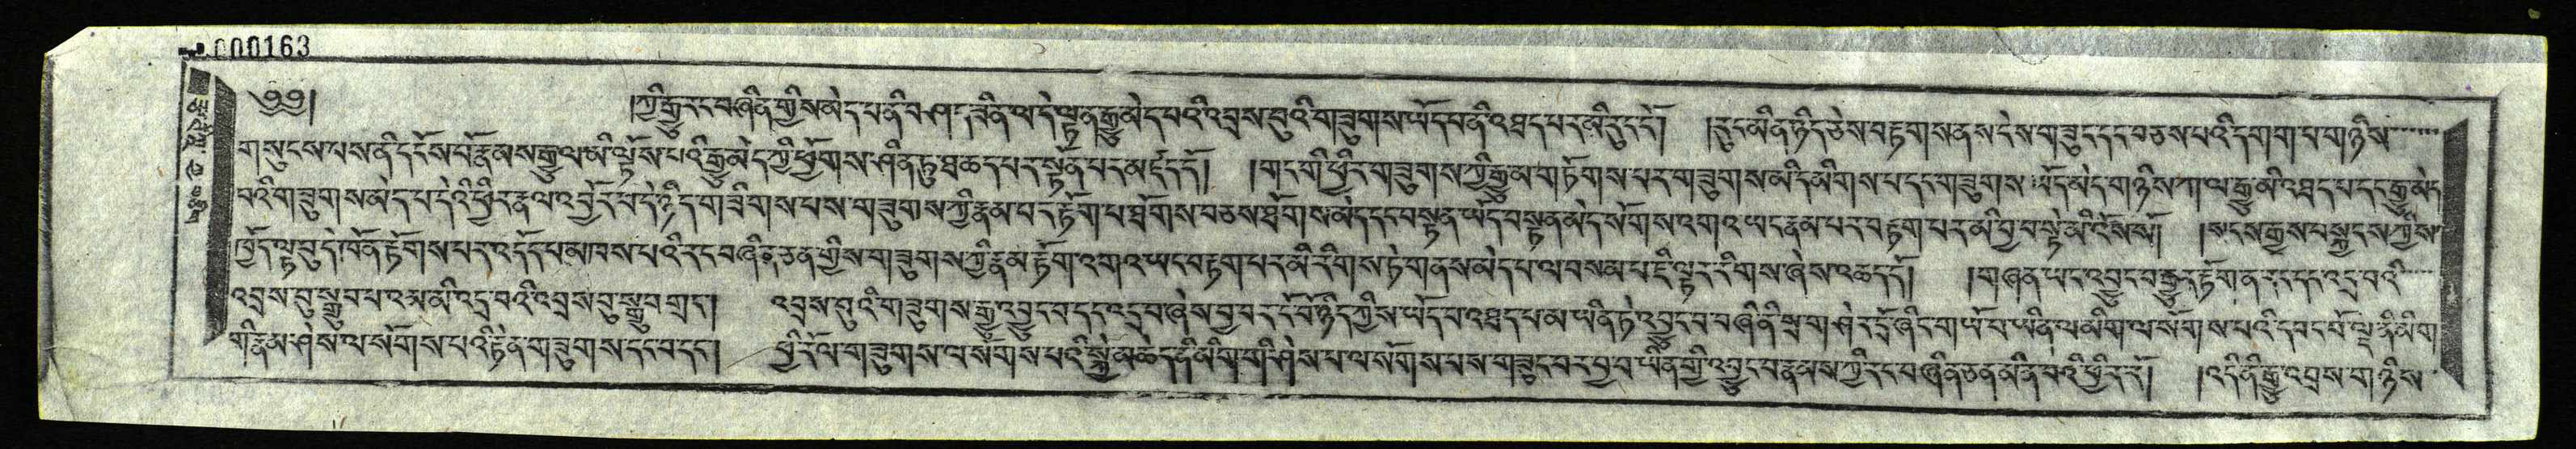༄༅། །ཀྱི་རྒྱུ་རང་བཞིན་གྱིས་མེད་པ་ནི་བཤད་ཟིན་ལ་དེ་ལྟ་ན་རྒྱུ་མེད་པའི་འབྲས་བུའི་གཟུགས་ཡོད་པ་ནི་འཐད་པར་མི་རུང་ངོ། །རུང་མིན་ཉིད་ཅེས་བརྟགས་ནས་ངེས་གཟུང་དང་བཅས་པའི་དགག་པ་གཉིས་
གསུངས་པས་ནི་དངོས་པོ་རྣམས་རྒྱུ་ལ་མི་ལྟོས་པའི་རྒྱུ་མེད་ཀྱི་ཕྱོགས་ཤིན་ཏུ་ཐ་ཆད་པར་སྟོན་པར་མཛད་དོ། །གང་གི་ཕྱིར་གཟུགས་ཀྱི་རྒྱུ་མ་གཏོགས་པར་གཟུགས་མི་དམིགས་པ་དང་གཟུགས་ཡོད་མེད་གཉིས་ཀ་ལ་རྒྱུ་མི་འཐད་པ་དང་རྒྱུ་མེད་
པའི་གཟུགས་མེད་པ་དེའི་ཕྱིར་རྣལ་འབྱོར་པ་དེ་ཉིད་གཟིགས་པས་གཟུགས་ཀྱི་རྣམ་པར་རྟོག་པ་ཐོགས་བཅས་ཐོགས་མེད་དང་བསྟན་ཡོད་བསྟན་མེད་སོགས་འགའ་ཡང་རྣམ་པར་བརྟག་པར་མི་བྱ་བ་སྟེ་མི་འོས་སོ། །སངས་རྒྱས་བསྐྱངས་ཀྱིས་
ཁྱོད་ལྟ་བུ་དེ་ཁོ་ན་རྟོགས་པར་འདོད་པ་མཁས་པའི་རང་བཞིན་ཅན་གྱིས་གཟུགས་ཀྱི་རྣམ་རྟོག་འགའ་ཡང་བརྟག་པར་མི་རིགས་ཏེ་གནས་མེད་པ་ལ་བསམ་པ་ཇི་ལྟར་རིགས་ཞེས་འཆད་དོ། །གཞན་ཡང་འབྱུང་བ་རྒྱུན་རྟོག་ན་རང་དང་འདྲ་བའི་
འབྲས་བུ་སྒྲུབ་པའམ་མི་འདྲ་བའི་འབྲས་བུ་སྒྲུབ་གྲང་། འབྲས་བུའི་གཟུགས་རྒྱུ་འབྱུང་བ་དང་འདྲ་བ་ཞེས་བྱ་བར་ངོ་བོ་ཉིད་ཀྱིས་ཡོད་པ་འཐད་པ་མ་ཡིན་ཏེ་འབྱུང་བ་བཞི་ནི་སྲ་གཤེར་དྲོ་ཞིང་གཡོ་བ་ཡིན་ལ་མིག་ལ་སོགས་པའི་དབང་པོ་ལྔ་ནི་མིག་
གི་རྣམ་ཤེས་ལ་སོགས་པའི་རྟེན་གཟུགས་དང་བ་དང་། ཕྱི་རོལ་གཟུགས་ལ་སོགས་པའི་སྐྱེ་མཆེད་ནི་མིག་གི་ཤེས་པ་ལ་སོགས་པས་གཟུང་བར་བྱ་བ་ཡིན་གྱི་འབྱུང་བ་རྣམས་ཀྱི་རང་བཞིན་ཅན་མིན་པའི་ཕྱིར་རོ། །འདི་ནི་རྒྱུ་འབྲས་གཉིས་